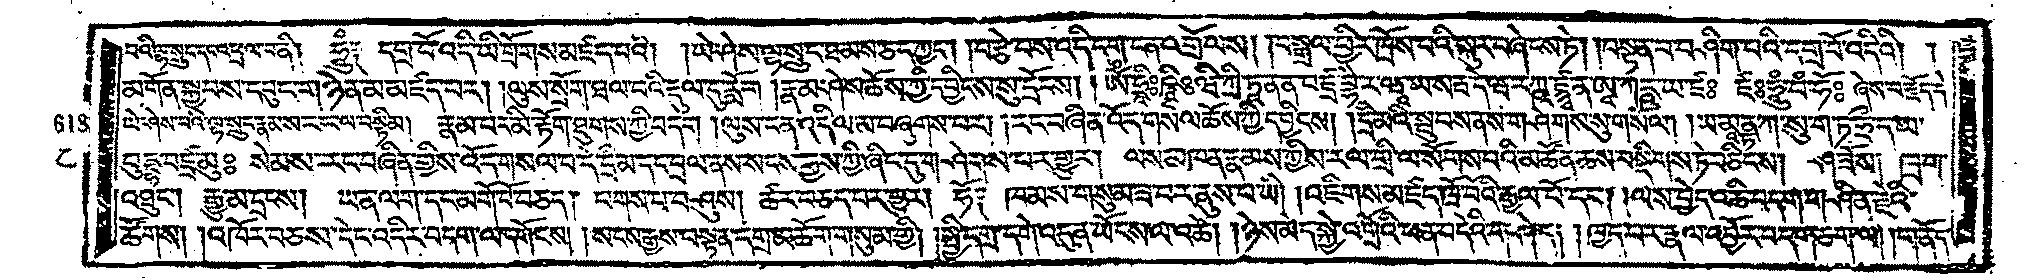པའི་ལྷ་སྲུང་དང་འཕྲལ་བ་ནི། ཧཱུཾ༑ དགྲ་བོ་འདི་ཡི་གྲོགས་མཛད་པའི། །ཡེ་ཤེས་ལྷ་སྲུང་ཐམས་ཅད་ཀྱང་། །བརྩེབས་འདི་དག་ངན་འགྲོ་ལས། །བསྒྲལ་ཕྱིར་ཁྲོས་པའི་སྐུར་བཞེངས་ཏེ། །བསྟན་པ་བཤིག་པའི་དགྲ་བོ་འདིའི། །
མགོན་སྐྱབས་དབུང་གཉེན་མ་མཛད་པར། །ལུས་སྲོག་ཐལ་བའི་རྡུལ་དུ་རློག །རྣམ་ཤེས་ཆོས་ཀྱི་དབྱིངས་སུ་དྲོངས། །ཨོཾ་ཧྲཱིཿཥྚྲཱིཿཝི་ཀྲི་ཏཱ་ན་ན་བཛྲ་བྷཻ་ར་ཝཱ་ཡ་སརྦ་དེ་ཝ་རཀྵ་ཛྙཱ་ན་ཨཱ་ཀརྵ་ཡ་ཛཿ ཛཿཧཱུཾ་བཾ་ཧོཿ ཞེས་བརྗོད་དེ་
ཡེ་ཤེས་པའི་ལྷ་སྲུང་རྣམས་རང་ལ་བསྟིམ། རྣམ་པར་མི་རྟོག་ཐུགས་ཀྱི་བདག །ལུས་ངན་འདི་ལ་མ་བཞུགས་པར། །རང་བཞིན་འོད་གསལ་ཆོས་ཀྱི་དབྱིངས། །དྲི་མའི་སྦུབས་ནས་གཤེགས་སུ་གསོལ། །ཡ་མཱནྟ་ཀ་སུ་ག་ཏ་ཧྲྀ་ད་ཡ་
བུདྡྷ་བཛྲ་མུཿ སེམས་རང་བཞིན་གྱིས་འོད་གསལ་བ་དེ་དྲི་མ་དང་བྲལ་ནས་སངས་རྒྱས་ཀྱི་ཞིང་དུ་གཤེགས་པར་གྱུར། ལས་མཁན་རྣམས་ཀྱིས་རལ་གྲི་ལ་སོགས་པའི་མཚོན་ཆས་བསྡིགས་ཏེ་བཅིངས། ཤ་ཟོས། ཁྲག་
འཐུང་། རྒྱུ་མ་དྲངས། ཡན་ལག་དང་མགོ་བོ་བཅད། པགས་པ་བཤུས། ཚར་བཅད་པར་གྱུར། ཧོ༑ ཁམས་གསུམ་ཟ་བར་ནུས་པ་ཡི། །འཇིགས་མཛད་ཁྲོ་བོའི་རྒྱལ་པོ་དང་། །ལས་བྱེད་འཆི་བདག་གཤིན་རྗེའི་
ཚོགས། །འཁོར་བཅས་དེང་འདིར་བདག་ལ་དགོངས། །སངས་རྒྱས་བསྟན་དགྲ་མཆོག་གསུམ་གྱི། །སྤྱི་དགྲ་དགེ་འདུན་ཡོངས་ལ་འཚེ། །ཉེས་མེད་སྐྱེ་འགྲོའི་ཕན་བདེའི་གཤེད། །ཁྱད་པར་རྣལ་འབྱོར་བདག་ཅག་ལ། །གནོད་